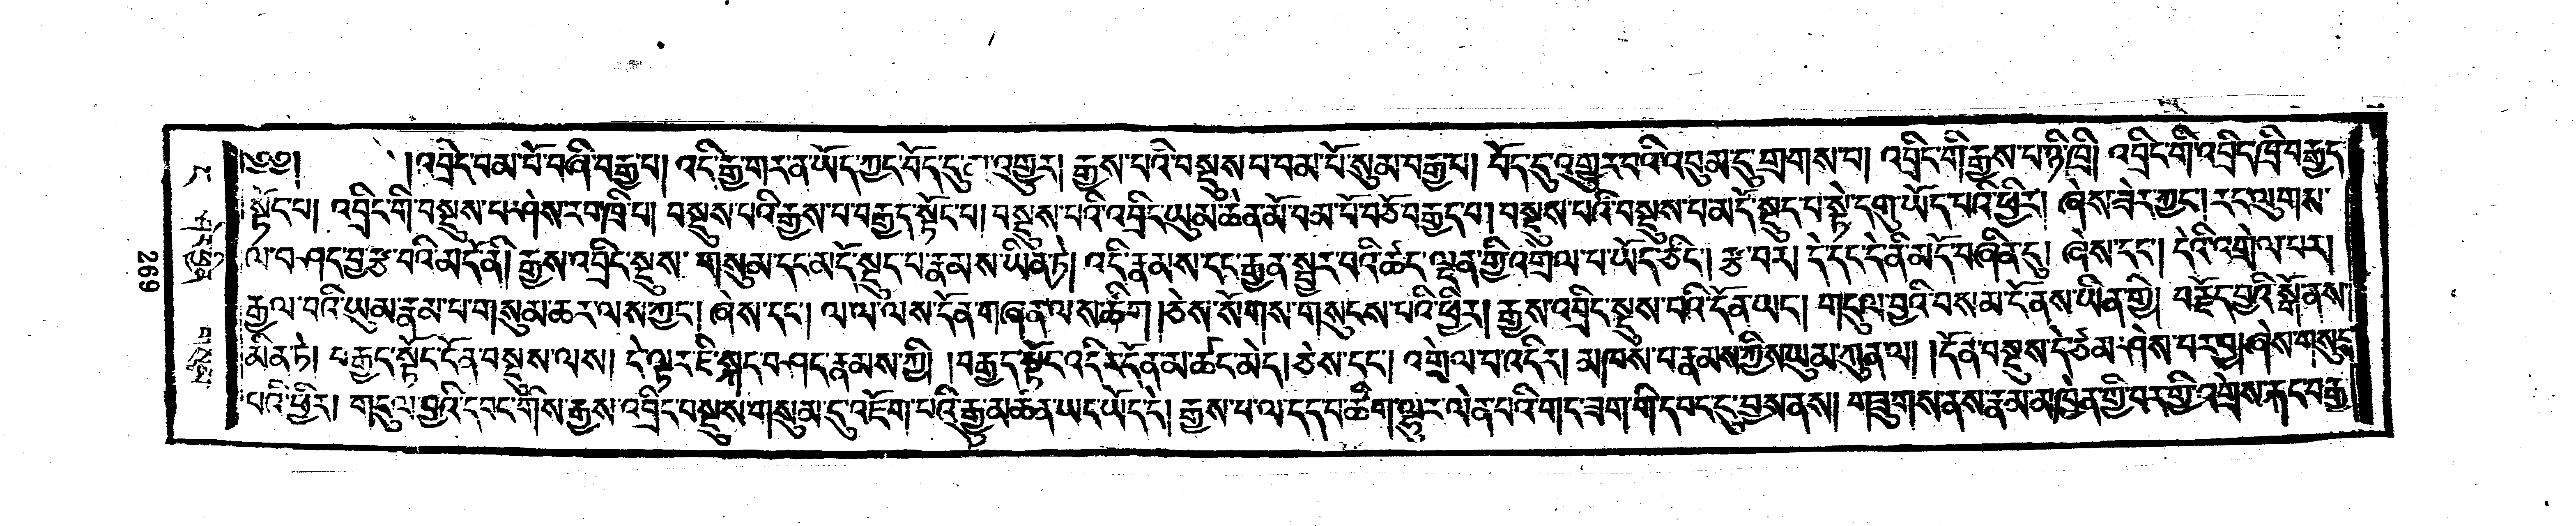༄༅། །འབྲིང་བམ་པོ་བཞི་བརྒྱ་པ། འདི་རྒྱ་གར་ན་ཡོད་ཀྱང་བོད་དུ་མ་འགྱུར། རྒྱས་པའི་བསྡུས་པ་བམ་པོ་སུམ་བརྒྱ་པ། བོད་དུ་འགྱུར་བའི་འབུམ་དུ་གྲགས་པ། འབྲིང་གི་རྒྱས་པ་ཉི་ཁྲི། འབྲིང་གི་འབྲིང་ཁྲི་བརྒྱད་
སྟོང་པ། འབྲིང་གི་བསྡུས་པ་ཤེས་རབ་ཁྲི་པ། བསྡུས་པའི་རྒྱས་པ་བརྒྱད་སྟོང་པ། བསྡུས་པའི་འབྲིང་ཡུམ་ཆེན་མོ་བམ་པོ་བཅོ་བརྒྱད་པ། བསྡུས་པའི་བསྡུས་པ་མདོ་སྡུད་པ་སྟེ་དགུ་ཡོད་པའི་ཕྱིར། ཞེས་ཟེར་ཀྱང་། རང་ལུགས་
ལ་བཤད་བྱ་རྩ་བའི་མདོ་ནི། རྒྱས་འབྲིང་སྡུས་གསུམ་དང་མདོ་སྡུད་པ་རྣམས་ཡིན་ཏེ། འདི་རྣམས་དང་རྒྱན་སྦྱར་བའི་ཚད་ལྡན་གྱི་འགྲེལ་པ་ཡོད་ཅིང་། རྩ་བར། དེ་དང་དེ་ནི་མདོ་བཞིན་དུ། ཞེས་དང་། དེའི་འགྲེལ་བར།
རྒྱལ་བའི་ཡུམ་རྣམ་པ་གསུམ་ཆར་ལས་ཀྱང་། ཞེས་དང་། ལ་ལ་ལས་དོན་གཞན་ལས་ཚིག །ཅེས་སོགས་གསུངས་པའི་ཕྱིར། རྒྱས་འབྲིང་སྡུས་པའི་དོན་ཡང་། གདུལ་བྱའི་བསམ་ངོ་ནས་ཡིན་གྱི། བརྗོད་བྱའི་སྒོ་ནས་
མིན་ཏེ། བརྒྱད་སྟོང་དོན་བསྡུས་ལས། དེ་ལྟར་ཇི་སྐད་བཤད་རྣམས་ཀྱི། །བརྒྱད་སྟོང་འདིར་དོན་མ་ཚང་མེད། ཅེས་དང་། འགྲེལ་པ་འདིར། མཁས་པ་རྣམས་ཀྱིས་ཡུམ་ཀུན་ལ། །དོན་བསྡུས་དེ་ཙམ་ཤེས་པར་བྱ། ཞེས་གསུངས་
པའི་ཕྱིར། གདུལ་བྱའི་དབང་གིས་རྒྱས་འབྲིང་བསྡུས་གསུམ་དུ་འཇོག་པའི་རྒྱུ་མཚན་ཡང་ཡོད་དེ། རྒྱས་པ་ལ་དད་པ་ཚིག་ལྷུར་ལེན་པའི་གང་ཟག་གི་དབང་དུ་བྱས་ནས། གཟུགས་ནས་རྣམ་མཁྱེན་གྱི་བར་གྱི་འགྲེས་རྐང་བརྒྱ་